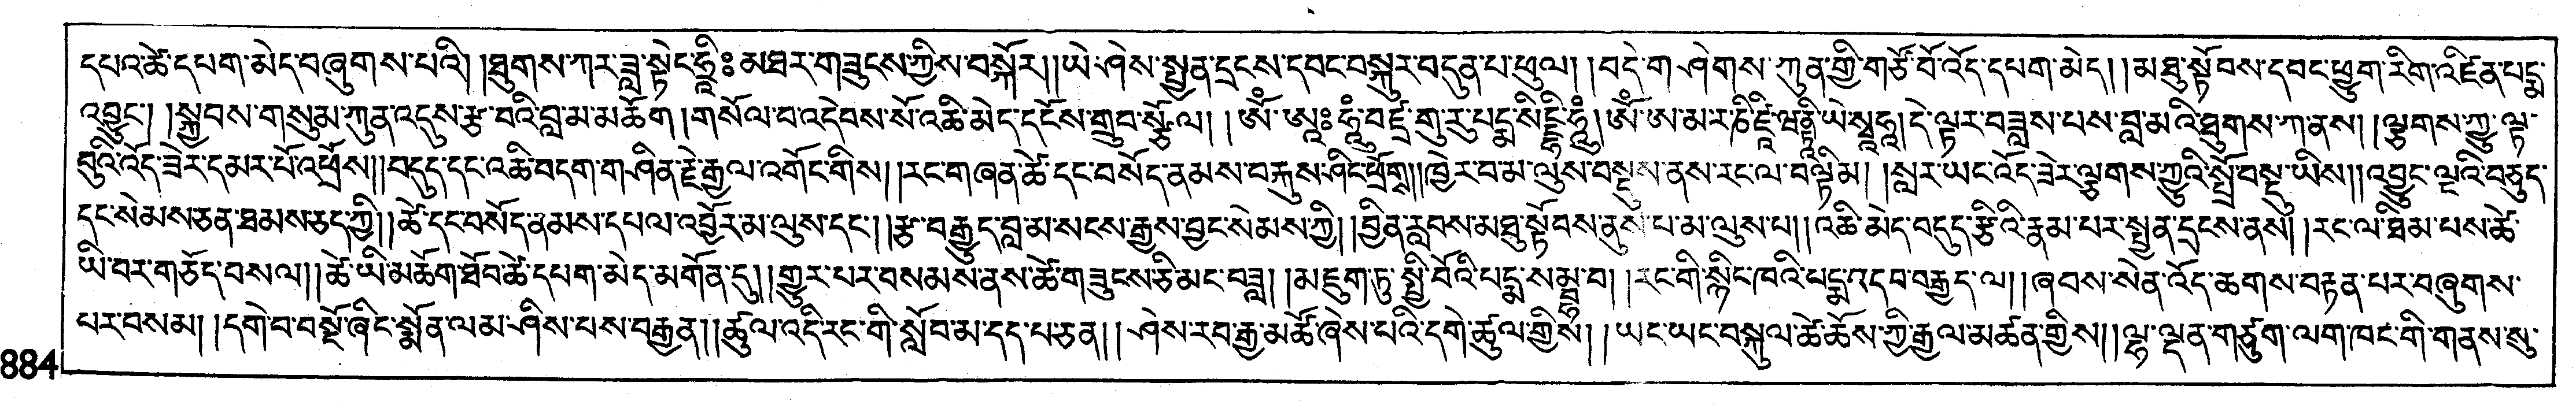དཔའ་ཚེ་དཔག་མེད་བཞུགས་པའི། །ཐུགས་ཀར་ཟླ་སྟེང་ཧྲཱིཿ མཐར་གཟུངས་ཀྱིས་བསྐོར། །ཡེ་ཤེས་སྤྱན་དྲངས་དབང་བསྐུར་བདུན་པ་ཕུལ། །བདེ་གཤེགས་ཀུན་གྱི་གཙོ་བོ་འོད་དཔག་མེད། །མཐུ་སྟོབས་དབང་ཕྱུག་རིག་འཛིན་པདམ་
འབྱུང་། །སྐྱབས་གསུམ་ཀུན་འདུས་རྩ་བའི་བླ་མ་མཆོག །གསོལ་བ་འདེབས་སོ་འཆི་མེད་དངོས་གྲུབ་སྩོལ། །ཨོཾ་ཨཱཿ ཧཱུཾ་བཛྲ་གུ་རུ་པདམ་སིདྡྷི་ཧཱུཾ། ཨོཾ་ཨ་མ་ར་ཎི་ཛཱི་ཝ་ནྟཱི་ཡེ་སྭཱཧཱ། དེ་ལྟར་བཟླས་པས་བླ་མའི་ཐུགས་ཀ་ནས། །ལྕགས་ཀྱུ་ལྟ་
བུའི་འོད་ཟེར་དམར་པོ་འཕྲོས། །བདུད་དང་འཆི་བདག་གཤིན་རྗེ་རྒྱལ་འགོང་གིས། །རང་གཞན་ཚེ་དང་བསོད་ནམས་བརྐུས་ཤིང་ཕྲོགས། །ཁྱེར་བ་མ་ལུས་བསྡུས་ནས་རང་ལ་བལྟིམ། །སླར་ཡང་འོད་ཟེར་ལྕགས་ཀྱུའི་སྤྲོ་བསྡུ་ཡིས། །འབྱུང་ལྔའི་བཅུད་
དང་སེམས་ཅན་ཐམས་ཅད་ཀྱི། །ཚེ་དང་བསོད་ནམས་དཔལ་འབྱོར་མ་ལུས་དང་། །རྩ་བརྒྱུད་བླ་མ་སངས་རྒྱས་བྱང་སེམས་ཀྱི། །བྱིན་རླབས་མཐུ་སྟོབས་ནུས་པ་མ་ལུས་པ། །འཆི་མེད་བདུད་རྩིའི་རྣམ་པར་སྤྱན་དྲངས་ནས། །རང་ལ་ཐིམ་པས་ཚེ་
ཡི་བར་གཅོད་བསལ། །ཚེ་ཡི་མཆོག་ཐོབ་ཚེ་དཔག་མེད་མགོན་དུ། །གྱུར་པར་བསམས་ནས་ཚེ་གཟུངས་ཅི་མང་བཟླ། །མཇུག་ཏུ་སྤྱི་བོའི་པདམ་སམྦྷ་བ། །རང་གི་སྙིང་ཁའི་པདམ་འདབ་བརྒྱད་ལ། །ཞབས་སེན་འོད་ཆགས་བརྟན་པར་བཞུགས་
པར་བསམ། །དགེ་བ་བསྔོ་ཞིང་སྨོན་ལམ་ཤིས་པས་བརྒྱན། །ཚུལ་འདི་རང་གི་སློབ་མ་དད་པ་ཅན། །ཤེས་རབ་རྒྱ་མཚོ་ཞེས་པའི་དགེ་ཚུལ་གྱིས། །ཡང་ཡང་བསྐུལ་ཚེ་ཆོས་ཀྱི་རྒྱལ་མཚན་གྱིས། །ལྷ་ལྡན་གཙུག་ལག་ཁང་གི་གནས་སུ་